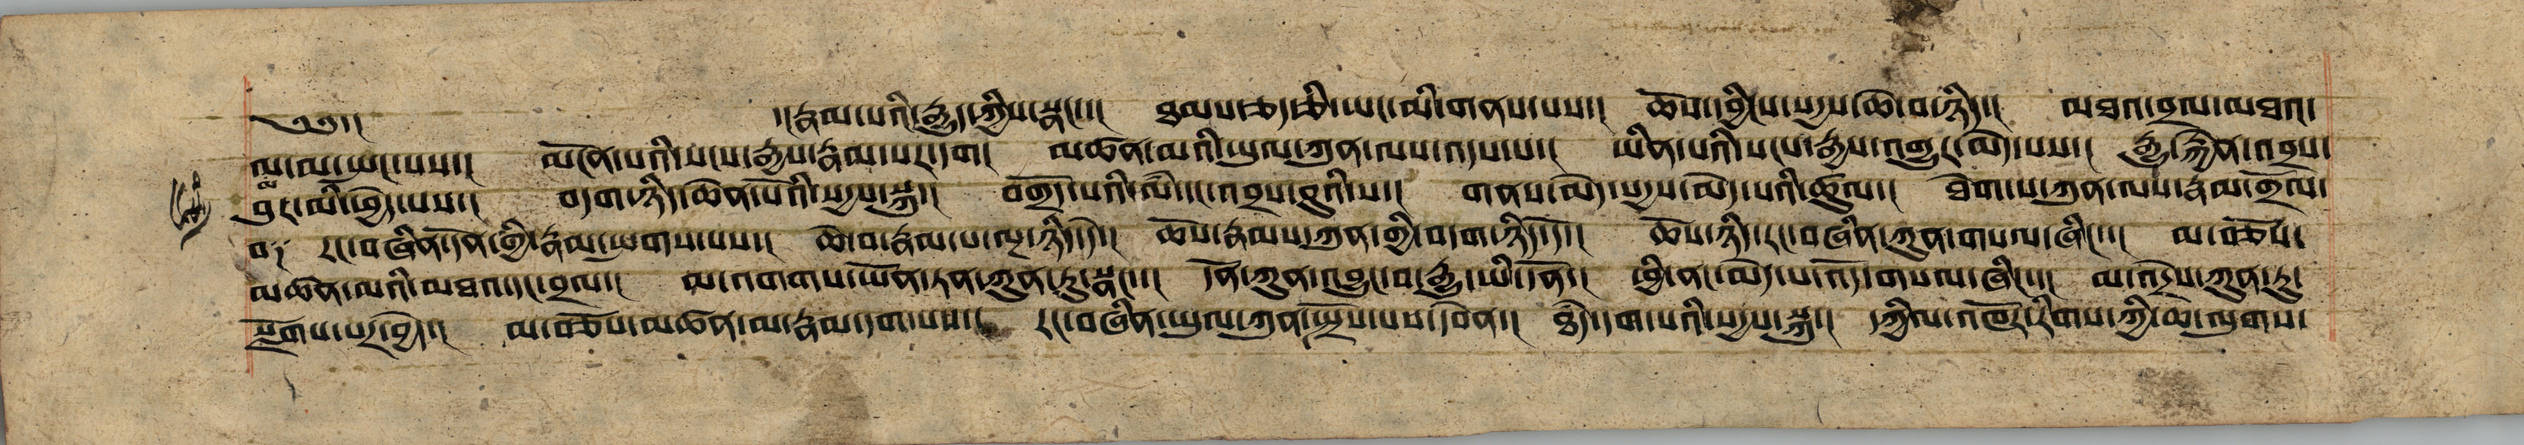་།རྣམ་པའི་རྒྱུད་ཀྱིས་སྣང་་། ཐམས་ཅད་ཅི་ཡང་མི་གནས་པས་། ཆོས་དབྱིངས་སདྱས་ཆེ་བ་ཉིད་། མཐའ་བྲལ་མཐའ་
ལ་ལ་སྤང་པས་། མངོན་པའི་སངས་རྒྱས་རྣམ་པར་དག། མཚན་མའི་ཡུལ་ཀུན་ལས་འདས་པ་། ཡིན་པའི་སངས་རྒྱས་འགྱུར་མེད་པས་། རྒྱུ་རྐྱེན་འབྲས་
བུར་མི་ཕྱེད་པས་། བདག་ཉིད་ཆེན་པོའི་སདྱས་སྐུ་། བགྲོད་པའི་ལཾ་དང་འབྲས་བུའི་ས་། གནས་མེད་སདྱས་མེད་པའི་ཚུལ་། ཐེག་པ་ཀུན་ལས་རྣམ་གྲོལ་
བ༑ རང་བཞིན་དོན་གྱི་རྣམ་སྤགས་པས་། ཆེ་བ་རྣམ་པ་ལྔ་ཉིད་དེ་། ཆོས་རྣམས་ཀུན་གྱི་བདག་ཉིད་དོ་། ཆོས་ཉིད་རང་བཞིན་ཀུན་གསལ་ཞིང་་། མ་བཅོས་
མཚན་མའི་མཐའ་དང་བྲལ་། མ་འགགས་ཡོན་ཏན་ཀུན་ཏུ་སྣང་་། དོན་ཀུན་འབྱུང་བ་རྒྱུ་ཡི་དོན་། ཕྱི་ནང་མེད་པ་འོད་གསལ་ཞིང་་། མ་འདྲེས་ཀུན་ཏུ་
སྫོགས་པར་བྱེད་། མ་བཅོས་མཚན་མ་རྣམ་དག་པས་། རང་བཞིན་ཡུལ་ཀུན་སྤྲོས་པས་དབེན་། ཐཾད་དག་པའི་སདྱས་སྐུ་། དཀྱིལ་འཁོར་རིགས་ཀྱི་ཆ་ལུགས་